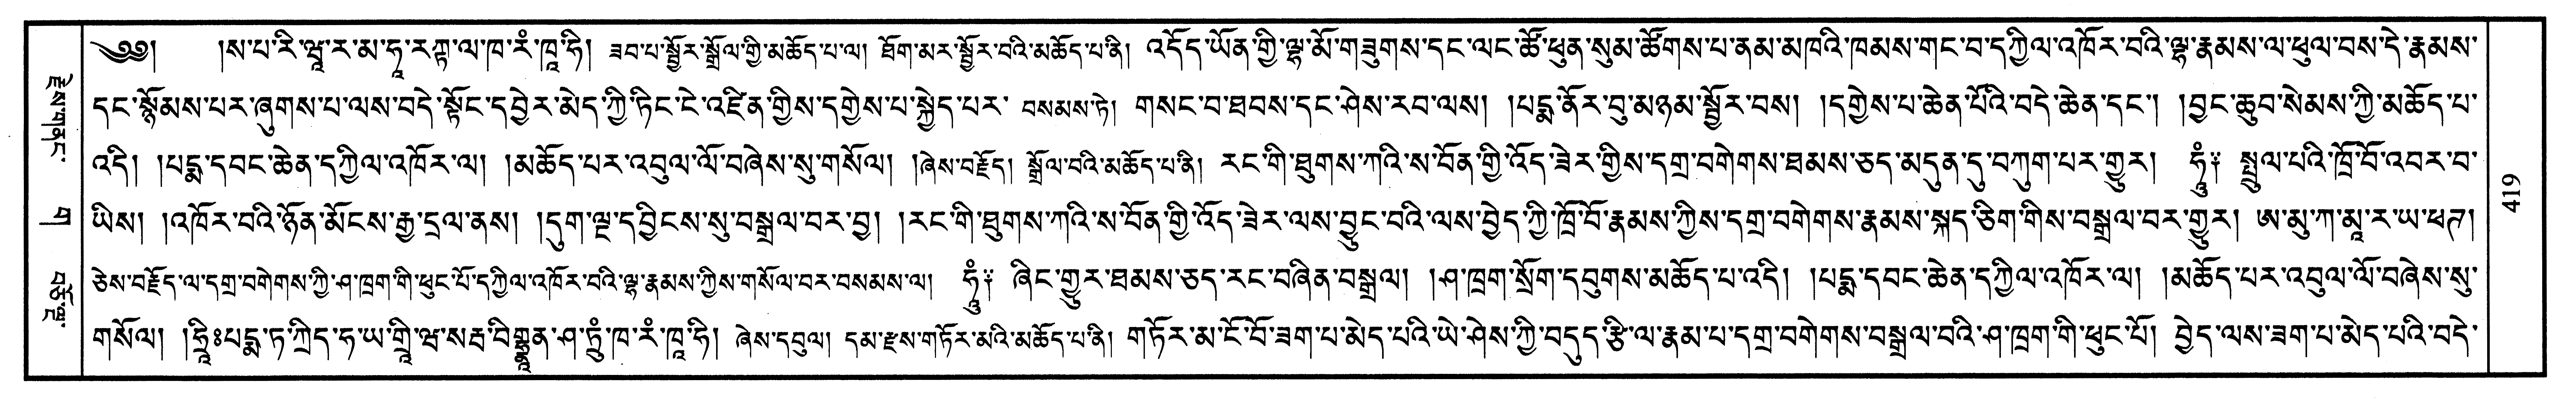༄༅། །ས་པ་རི་ཝཱ་ར་མ་ཧཱ་རཀྟ་ལ་ཁ་རཾ་ཁཱ་ཧི། ཟབ་པ་སྦྱོར་སྒྲོལ་གྱི་མཆོད་པ་ལ། ཐོག་མར་སྦྱོར་བའི་མཆོད་པ་ནི། འདོད་ཡོན་གྱི་ལྷ་མོ་གཟུགས་དང་ལང་ཚོ་ཕུན་སུམ་ཚོགས་པ་ནམ་མཁའི་ཁམས་གང་བ་དཀྱིལ་འཁོར་བའི་ལྷ་རྣམས་ལ་ཕུལ་བས་དེ་རྣམས་
དང་སྙོམས་པར་ཞུགས་པ་ལས་བདེ་སྟོང་དབྱེར་མེད་ཀྱི་ཏིང་ངེ་འཛིན་གྱིས་དགྱེས་པ་སྐྱེད་པར་བསམས་ཏེ། གསང་བ་ཐབས་དང་ཤེས་རབ་ལས། །པདམ་ནོར་བུ་མཉམ་སྦྱོར་བས། །དགྱེས་པ་ཆེན་པོའི་བདེ་ཆེན་དང་། །བྱང་ཆུབ་སེམས་ཀྱི་མཆོད་པ་
འདི། །པདམ་དབང་ཆེན་དཀྱིལ་འཁོར་ལ། །མཆོད་པར་འབུལ་ལོ་བཞེས་སུ་གསོལ། །ཞེས་བརྗོད། སྒྲོལ་བའི་མཆོད་པ་ནི། རང་གི་ཐུགས་ཀའི་ས་བོན་གྱི་འོད་ཟེར་གྱིས་དགྲ་བགེགས་ཐམས་ཅད་མདུན་དུ་བཀུག་པར་གྱུར། ཧཱུཾ༑ སྤྲུལ་པའི་ཁྲོ་བོ་འབར་བ་
ཡིས། །འཁོར་བའི་ཉོན་མོངས་རྒྱ་དྲལ་ནས། །དུག་ལྔ་དབྱིངས་སུ་བསྒྲལ་བར་བྱ། །རང་གི་ཐུགས་ཀའི་ས་བོན་གྱི་འོད་ཟེར་ལས་བྱུང་བའི་ལས་བྱེད་ཀྱི་ཁྲོ་བོ་རྣམས་ཀྱིས་དགྲ་བགེགས་རྣམས་སྐད་ཅིག་གིས་བསྒྲལ་བར་གྱུར། ཨ་མུ་ཀ་མཱ་ར་ཡ་ཕཊ།
ཅེས་བརྗོད་ལ་དགྲ་བགེགས་ཀྱི་ཤ་ཁྲག་གི་ཕུང་པོ་དཀྱིལ་འཁོར་བའི་ལྷ་རྣམས་ཀྱིས་གསོལ་བར་བསམས་ལ། ཧཱུཾ༑ ཞིང་གྱུར་ཐམས་ཅད་རང་བཞིན་བསྒྲལ། །ཤ་ཁྲག་སྲོག་དབུགས་མཆོད་པ་འདི། །པདམ་དབང་ཆེན་དཀྱིལ་འཁོར་ལ། །མཆོད་པར་འབུལ་ལོ་བཞེས་སུ་
གསོལ། །ཧྲཱིཿ པདམ་ཏ་ཀྲིད་ཧ་ཡ་གྲཱི་ཝ་སརྦ་བིགྷྣཱན་ཤ་ཏྲུཾ་ཁ་རཾ་ཁཱ་ཧི། ཞེས་དབུལ། དམ་རྫས་གཏོར་མའི་མཆོད་པ་ནི། གཏོར་མ་ངོ་བོ་ཟག་པ་མེད་པའི་ཡེ་ཤེས་ཀྱི་བདུད་རྩི་ལ་རྣམ་པ་དགྲ་བགེགས་བསྒྲལ་བའི་ཤ་ཁྲག་གི་ཕུང་པོ། བྱེད་ལས་ཟག་པ་མེད་པའི་བདེ་